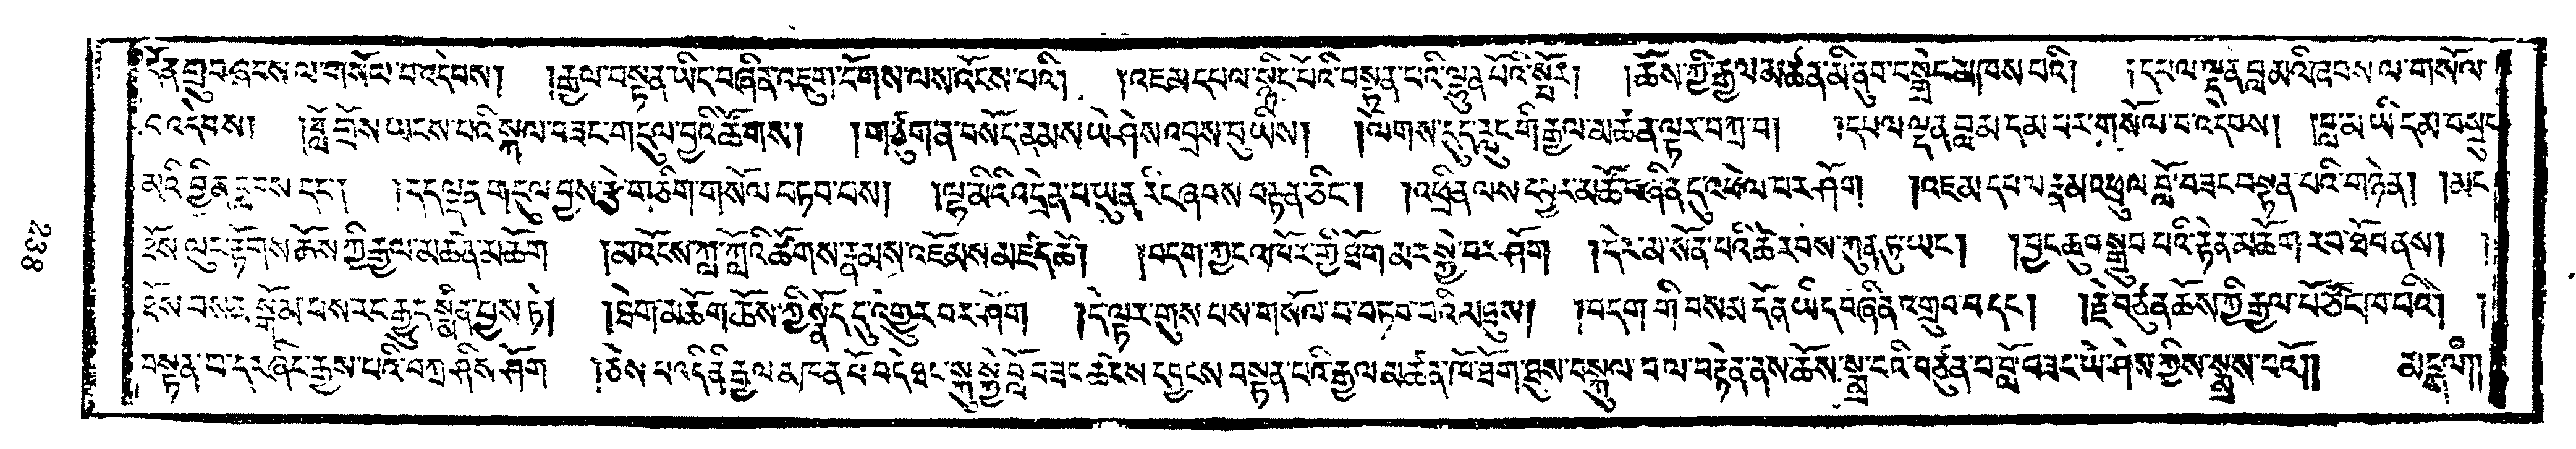དོན་གྲུབ་ཞབས་ལ་གསོལ་བ་འདེབས། །རྒྱལ་བསྟན་ཡིད་བཞིན་འཇུག་ངོགས་ལས་འོངས་པའི། །འཇམ་དཔལ་སྙིང་པོའི་བསྟན་པའི་ལྷུན་པོའི་སྤོར། །ཆོས་ཀྱི་རྒྱལ་མཚན་མི་ནུབ་བསྒྲེང་མཁས་པའི། །དཔལ་ལྡན་བླ་མའི་ཞབས་ལ་གསོལ་
བ་འདེབས། །བློ་གྲོས་ཡངས་པའི་སྐལ་བཟང་གདུལ་བྱའི་ཚོགས། །གཙུག་ན་བསོད་ནམས་ཡེ་ཤེས་འབྲས་བུ་ཡིས། །ལེགས་དུད་རླུང་གི་རྒྱལ་མཚན་ལྟར་བཀྲ་བ། །དཔལ་ལྡན་བླ་མ་དམ་པར་གསོལ་བ་འདེབས། །བླ་མ་ཡི་དམ་བསྲུང་
མའི་བྱིན་རླབས་དང་། །དད་ལྡན་གདུལ་བྱས་རྩེ་གཅིག་གསོལ་བཏབ་བས། །ལྷ་མིའི་འདྲེན་པ་ཡུན་རིང་ཞབས་བརྟན་ཅིང་། །འཕྲིན་ལས་དབྱར་མཚོ་བཞིན་དུ་འཕེལ་པར་ཤོག །འཇམ་དཔལ་རྣམ་འཕྲུལ་བློ་བཟང་བསྟན་པའི་གཉེན། །མང་
ཐོས་ལུང་རྟོགས་ཆོས་ཀྱི་རྒྱལ་མཚན་མཆོག །མ་འོངས་ཀླ་ཀློའི་ཚོགས་རྣམས་འཇོམས་མཛད་ཚེ། །བདག་ཀྱང་འཁོར་གྱི་ཐོག་མར་སྐྱེ་བར་ཤོག །དེར་མ་སོན་པའི་ཚེ་རབས་ཀུན་ཏུ་ཡང་། །བྱང་ཆུབ་བསྒྲུབ་པའི་རྟེན་མཆོག་རབ་ཐོབ་ནས། །
ཐོས་བསམ་སྒོམ་པས་རང་རྒྱུད་སྨིན་བྱས་ཏེ། །ཐེག་མཆོག་ཆོས་ཀྱི་སྣོད་དུ་འགྱུར་བར་ཤོག །དེ་ལྟར་གུས་པས་གསོལ་བ་བཏབ་བའི་མཐུས། །བདག་གི་བསམ་དོན་ཡིད་བཞིན་འགྲུབ་བ་དང་། །རྗེ་བཙུན་ཆོས་ཀྱི་རྒྱལ་པོ་ཙོང་ཁ་པའི། །
བསྟན་བ་དར་ཞིང་རྒྱས་པའི་བཀྲ་ཤིས་ཤོག །ཅེས་པ་འདི་ནི་རྒྱལ་མཁན་པོ་བདེ་ཐང་སྐུ་སྐྱེ་བློ་བཟང་ཚངས་དབྱངས་བསྟན་པའི་རྒྱལ་མཚན་ཁོ་ཐོག་ཐུས་བསྐུལ་བ་ལ་བརྟེན་ནས་ཆོས་སྨྲ་བའི་བཙུན་བ་བློ་བཟང་ཡེ་ཤེས་ཀྱིས་སྨྲས་བའོ།། མངྒལཾ།།